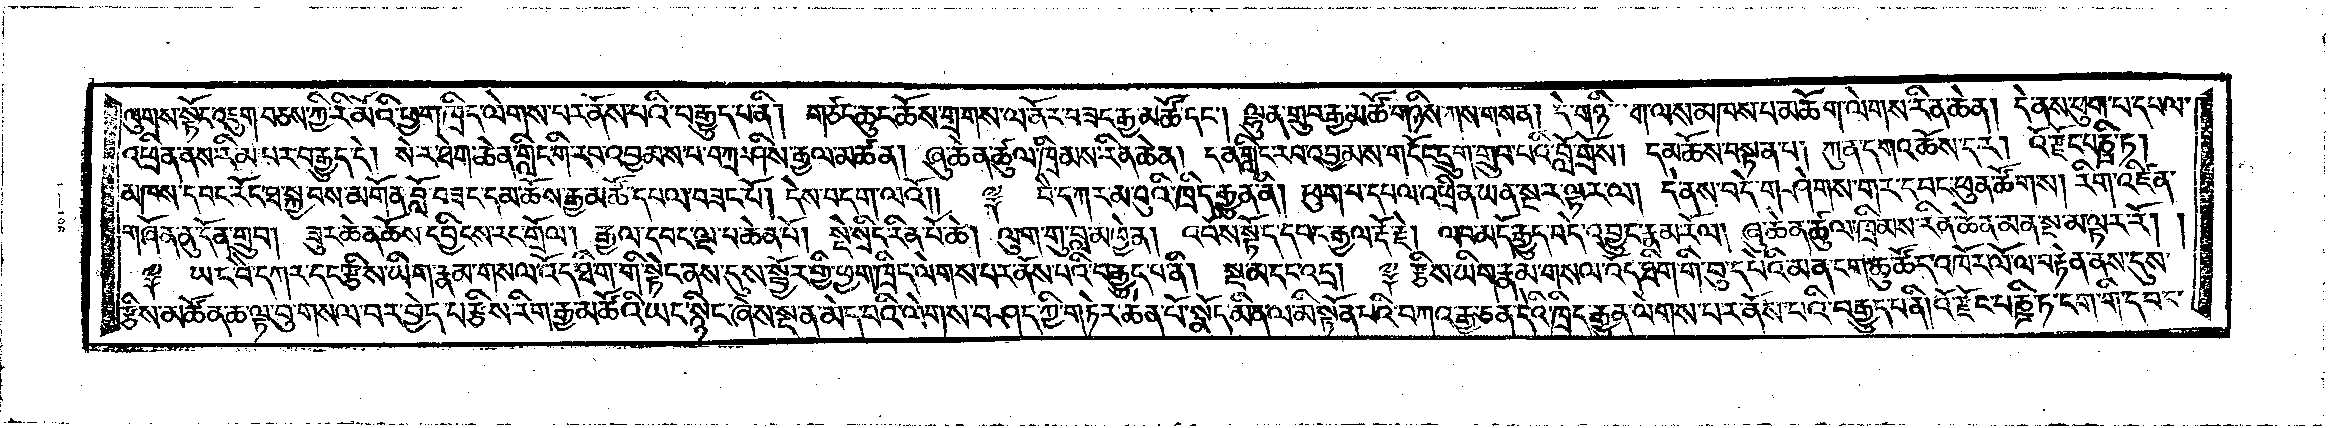ལུགས་སྟོང་འཇུག་བཅས་ཀྱི་རི་མོའི་ཕྱག་ཁྲིད་ལེགས་པར་ནོས་པའི་བརྒྱུད་པ་ནི། གཙང་ཆུང་ཆོས་གྲགས་ལ་ནོར་བཟང་རྒྱ་མཚོ་དང་། ལྷུན་གྲུབ་རྒྱ་མཚོ་གཉིས་ཀས་གསན། དེ་གཉི་ག་ལས་མཁས་པ་མཆོག་ལེགས་རིན་ཆེན། དེ་ནས་ཕུག་པ་དཔལ་
འཕྲིན་ནས་རིམ་པར་བརྒྱུད་དེ། སེར་ཐེག་ཆེན་གླིང་གི་རབ་འབྱམས་པ་བཀྲ་ཤིས་རྒྱལ་མཚན། ཞུ་ཆེན་ཚུལ་ཁྲིམས་རིན་ཆེན། དན་གླིང་རབ་འབྱམས་གདོང་དྲུག་གྲུབ་པའི་བློ་གྲོས། དམ་ཆོས་བསྟན་པ། ཀུན་དགའ་ཆོས་དར། འོ་རྫོང་པཎྜི་ཏ།
མཁས་དབང་རོང་ཐ་སྐྱབས་མགོན་བློ་བཟང་དམ་ཆོས་རྒྱ་མཚོ་དཔལ་བཟང་པོ། དེས་བདག་ལའོ།། ༈ བཻ་དཀར་མ་བུའི་ཁྲིད་རྒྱུན་ནི། ཕུག་པ་དཔལ་འཕྲིན་ཡན་སྔར་ལྟར་ལ། དེ་ནས་བདེ་གཤེགས་གར་དབང་ཕུན་ཚོགས། རིག་འཛིན་
གཞོན་ནུ་དོན་གྲུབ། ཟུར་ཆེན་ཆོས་དབྱིངས་རང་གྲོལ། རྒྱལ་དབང་ལྔ་པ་ཆེན་པོ། སྡེ་སྲིད་རིན་པོ་ཆེ། ལུག་གུ་བླ་མཁྱེན། འབོས་སྟོད་དབང་རྒྱལ་རྡོ་རྗེ། ལབ་མདོ་རྒྱུད་བདེ་འབྱུང་རྣམ་རོལ། ཞུ་ཆེན་ཚུལ་ཁྲིམས་རིན་ཆེན་མན་སྔ་མ་ལྟར་རོ། །
༈ ཡང་བཻ་དཀར་དང་རྩིས་ཡིག་རྣམ་གསལ་འོད་ཐིག་གི་སྟེང་ནས་དུས་སྦྱོར་གྱི་ཕྱག་ཁྲིད་ལེགས་པར་ནོས་པའི་བརྒྱུད་པ་ནི། སྔ་མ་དང་འདྲ། ༈ རྩིས་ཡིག་རྣམ་གསལ་འོད་ཐིག་གི་བུ་དཔེའི་མན་ངག་ཆུ་ཚོད་འཁོར་ལོ་ལ་བརྟེན་ནས་དུས་
རྩིས་མཚོན་ཆ་ལྟ་བུ་གསལ་བར་བྱེད་པ་རྩིས་རིག་རྒྱ་མཚོའི་ཡང་སྙིང་ཞེས་སྔ་ན་མེད་པའི་ལེགས་བཤད་ཀྱི་གཏེར་ཆེན་པོ་སྣོད་མིན་ལ་མི་སྟོན་པའི་བཀའ་རྒྱ་ཅན་དེའི་ཁྲིད་རྒྱུན་ལེགས་པར་ནོས་པའི་བརྒྱུད་བ་ནི། འོ་རྫོང་པཎྜི་ཏ་ངག་གི་དབང་